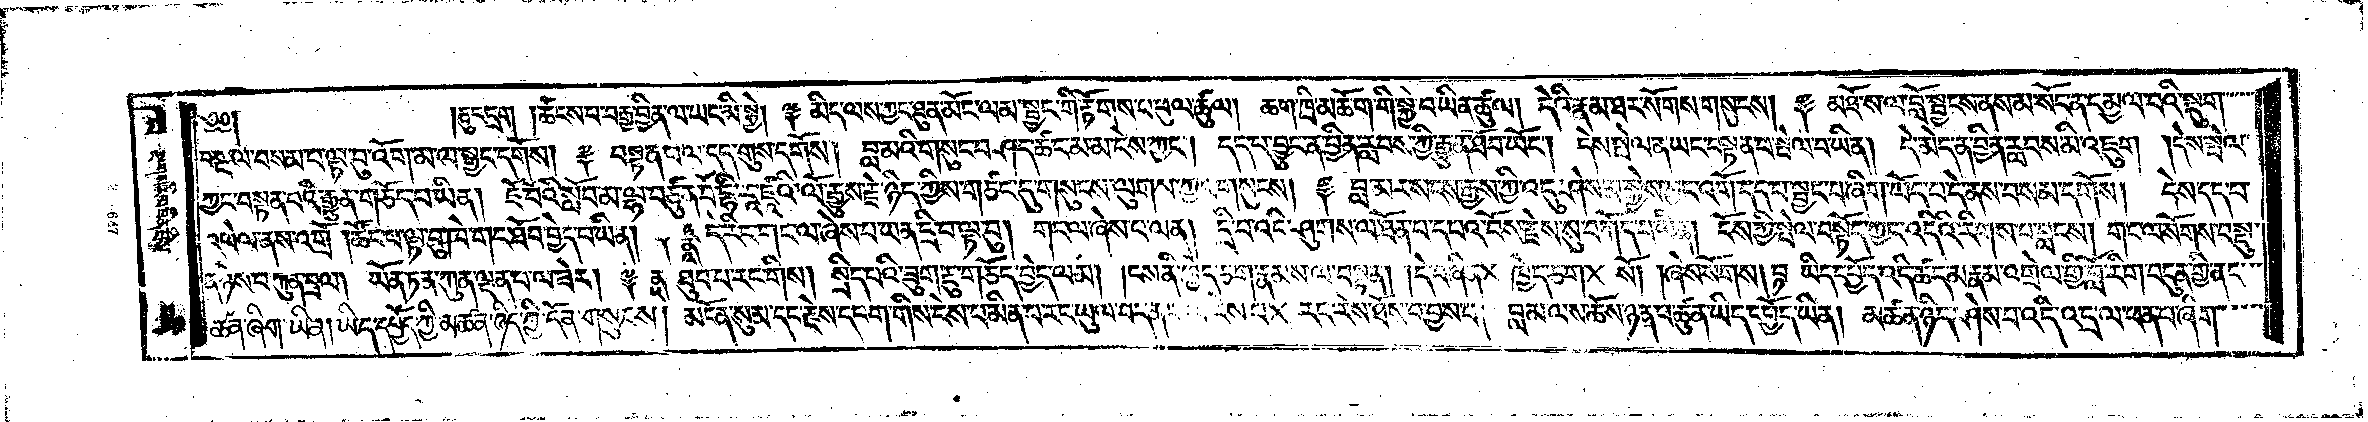༄༅། །ཅུང་དྲག །ཚངས་པ་བརྒྱ་བྱིན་ལ་ཡང་མི་སྐྱེ། ༈ མིད་ལས་ཀྱང་ཐུན་མོང་ལམ་སྦྱང་གི་རྟོགས་པ་ཕུལ་ཚུལ། ཆག་ཁྲི་མཆོག་གི་སྐྱེ་བ་ཡིན་ཚུལ། དེའི་རྣམ་ཐར་སོགས་གསུངས། ༈ མཐོ་ས་ལ་བློ་སྦྱངས་ནས་མ་སོང་ན་དམྱལ་བའི་སྡུག་
བསྔལ་བསམ་བ་ལྟ་བུ་འོག་མ་ལ་སྦྱང་དགོས། ༈ བསྟན་པ་ལ་དད་གུས་དགོས། བླ་མའི་གསུང་བཤད་ཚང་མ་མ་ངེས་ཀྱང་། དད་པ་བྱུང་ན་བྱིན་རླབས་ཀྱི་རྒྱུན་ཐོབ་ཡོང་། དེས་སྤེལ་ན་ཡང་བསྟན་པ་སྤེལ་བ་ཡིན། དེ་མེད་ན་བྱིན་རླབས་མི་འཇུག །དེས་སྤེལ་
ཀྱང་བསྟན་པའི་རྒྱུན་གཅོད་པ་ཡིན། ཇོ་བོའི་སློབ་མ་ལྷ་བཙུན་བོ་དྷི་རཱ་ཛཱའི་ལོ་རྒྱུས་རྗེ་ཉིད་ཀྱིས་གཙང་དུ་གསུངས་ལུགས་ཀྱང་གསུངས། ༈ བླ་མར་སངས་རྒྱས་ཀྱི་འདུ་ཤེས་མ་སྐྱེས་ཀྱང་འགོ་དད་པ་སྦྱང་བ་ཞིག་ཡོད་པ་དེ་ནས་བསམ་དགོས། དེས་དད་པ་
འཕེལ་ནས་འགྲོ་།ཚོང་པ་ལྟ་བུ་ཁེ་གང་ཐོབ་བྱེད་པ་ཡིན། ༈ ༣ན༢་དེ་རིང་གང་ལ་ཞེས་པ་ཡན་དྲི་བ་ལྟ་བུ། གང་ལ་ཞེས་པ་ལན། དྲི་བ་འདི་ཤུགས་ལ་ཐོན་པ་དཔའ་བོས་རྗེས་སུ་བཀོད་པ་ཡིན། ངོས་ཀྱི་སྤེལ་བསྟོད་ཀྱང་འདིའི་རིགས་པ་བླངས། གང་ལ་སོགས་བསྡུ་
ན་ཉེས་བ་ཀུན་བྲལ། ཡོན་ཏན་ཀུན་ལྡན་པ་ལ་ཟེར། ༈ ན༥་ཐུབ་པ་རང་གིས། སྲིད་པའི་ཟུག་རྡུ་གཅོད་བྱེད་ལམ། །ངས་ནི་ཁྱེད་ཅག་རྣམས་ལ་བསྟན། །དེ་བཞིན་྾་ཁྱེད་ཅག་྾་སོ། །ཞེས་སོགས། བ༡་ཡིད་དཔྱོད་འདི་ཚད་མ་རྣམ་འགྲེལ་གྱི་བློ་རིག་བདུན་གྱི་ནང་
ཚན་ཞིག་ཡིན། ཡིད་དཔྱོད་ཀྱི་མཚན་ཉིད་ཀྱི་དོན་གསུངས། མངོན་སུམ་དང་རྗེས་དཔག་གིས་ངེས་པ་མིན་བ་རང་ཡུལ་བདན་པ་ལ་ངེས་བ་྾་རང་རེས་ཐོས་བ་བྱས་པ། བླ་མ་ལས་ཆོས་ཉན་པ་ཚུན་ཡིད་དཔྱོད་ཡིན། མཚན་ཉིད་ཤེས་པ་འདི་འདྲ་ལ་ཕན་བ་ཞིག་